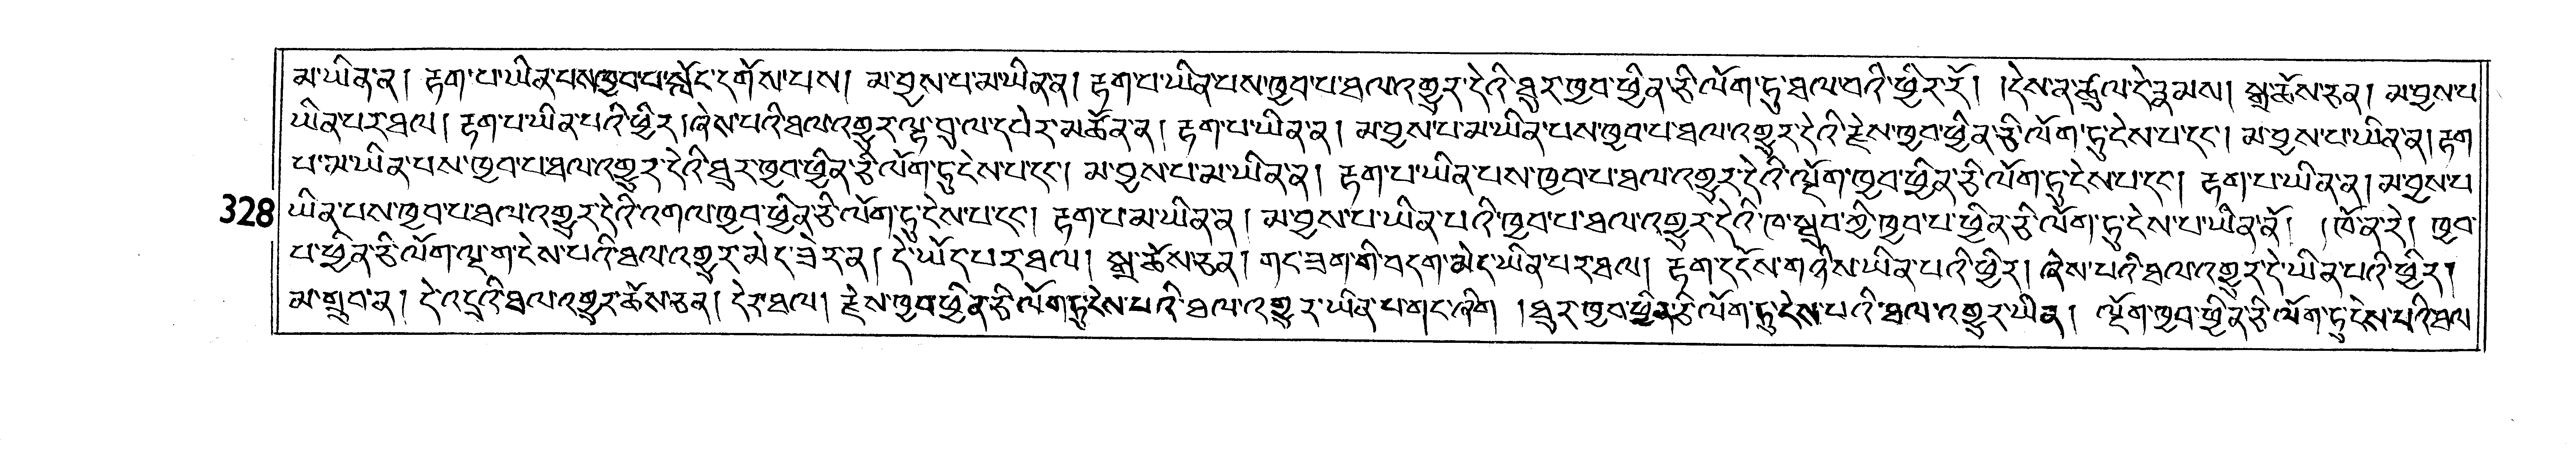མ་ཡིན་ན། རྟག་པ་ཡིན་པས་ཁྱབ་པ་སློང་དགོས་པས། མ་བྱས་པ་མ་ཡིན་ན། རྟག་པ་ཡིན་པས་ཁྱབ་པ་ཐལ་འགྱུར་དེའི་ཐུར་ཁྱབ་ཕྱིན་ཅི་ལོག་ཏུ་ཐལ་བའི་ཕྱིར་རོ། །དེས་ན་ཚུལ་དེ་ནམས། སྒྲ་ཆོས་ཅན། མ་བྱས་པ་
ཡིན་པར་ཐལ། རྟག་པ་ཡིན་པའི་ཕྱིར། ཞེས་པའི་ཐལ་འགྱུར་ལྟ་བུ་ལ་དཔེར་མཚོན་ན། རྟག་པ་ཡིན་ན། མ་བྱས་པ་མ་ཡིན་པས་ཁྱབ་པ་ཐལ་འགྱུར་དེའི་རྗེས་ཁྱབ་ཕྱིན་ཅི་ལོག་ཏུ་ངེས་པ་དང་། མ་བྱས་པ་ཡིན་ན། རྟག་
པ་མ་ཡིན་པས་ཁྱབ་པ་ཐལ་འགྱུར་དེའི་ཐུར་ཁྱབ་ཕྱིན་ཅི་ལོག་ཏུ་ངེས་པ་དང་། མ་བྱས་པ་མ་ཡིན་ན། རྟག་པ་ཡིན་པས་ཁྱབ་པ་ཐལ་འགྱུར་དེའི་ལྡོག་ཁྱབ་ཕྱིན་ཅི་ལོག་ཏུ་ངེས་པ་དང་། རྟག་པ་ཡིན་ན། མ་བྱས་པ་
ཡིན་པས་ཁྱབ་པ་ཐལ་འགྱུར་དེའི་འགལ་ཁྱབ་ཕྱིན་ཅི་ལོག་ཏུ་ངེས་པ་དང་། རྟག་པ་མ་ཡིན་ན། མ་བྱས་པ་ཡིན་པའི་ཁྱབ་པ་ཐལ་འགྱུར་དེའི་ཁ་སྒྲུབ་ཀྱི་ཁྱབ་པ་ཕྱིན་ཅི་ལོག་ཏུ་ངེས་པ་ཡིན་ནོ། །ཁོ་ན་རེ། ཁྱབ་
པ་ཕྱིན་ཅི་ལོག་ལྔ་ག་ངེས་པའི་ཐལ་འགྱུར་མེད་ཟེར་ན། དེ་ཡོད་པར་ཐལ། སྒྲ་ཆོས་ཅན། གང་ཟག་གི་བདག་མེད་ཡིན་པར་ཐལ། རྟག་དངོས་གཉིས་ཡིན་པའི་ཕྱིར། ཞེས་པའི་ཐལ་འགྱུར་དེ་ཡིན་པའི་ཕྱིར།
མ་གྲུབ་ན། དེ་འདྲའི་ཐལ་འགྱུར་ཆོས་ཅན། དེར་ཐལ། རྗེས་ཁྱབ་ཕྱིན་ཅི་ལོག་ཏུ་ངེས་པའི་ཐལ་འགྱུར་ཡིན་པ་གང་ཞིག །ཐུར་ཁྱབ་ཕྱིན་ཅི་ལོག་ཏུ་ངེས་པའི་ཐལ་འགྱུར་ཡིན། ལྡོག་ཁྱབ་ཕྱིན་ཅི་ལོག་ཏུ་ངེས་པའི་ཐལ་